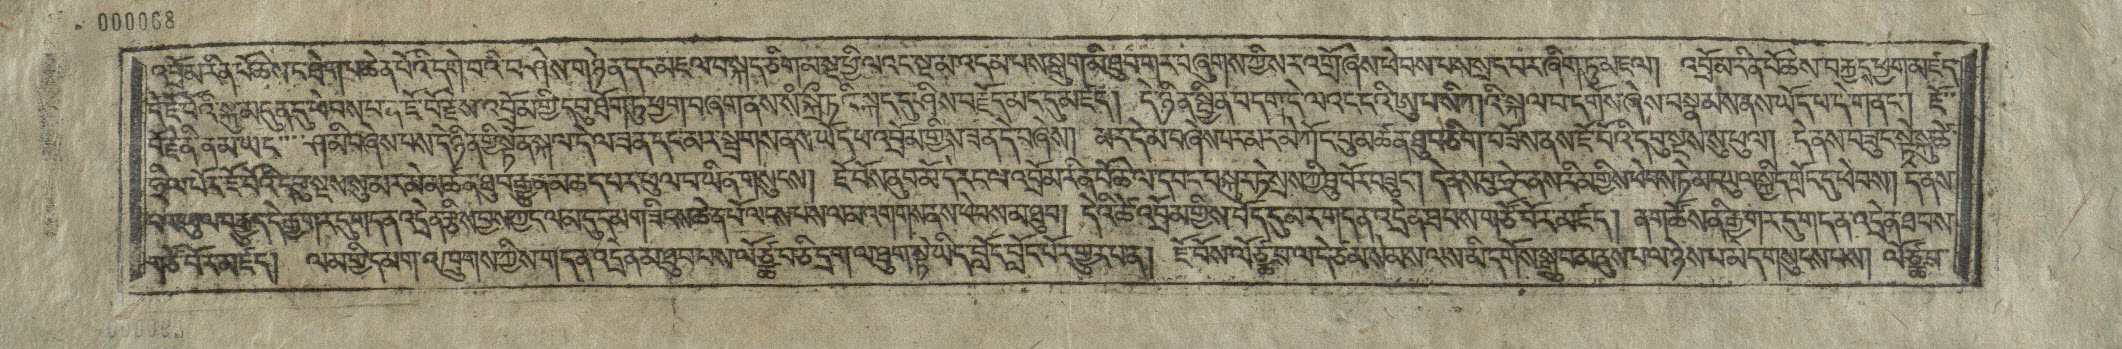འབྲོམ་རིན་པོ་ཆེས་ང་ཐེག་པ་ཆེན་པོའི་དགེ་བའི་བཤེས་གཉེན་དང་མཇལ་བ་སྐད་ཅིག་མ་སྔ་ཕྱི་ལའང་སྔ་མ་འདམ་པས་སྒུག་མི་ཐུབ་གར་བཞུགས་ཀྱི་སར་འགྲོ་ཞེས་ཕེབས་པས་སྲང་བར་ཞིག་ཏུ་མཇལ། འབྲོམ་རིན་པོ་ཆེས་བརྐྱངས་ཕྱག་མཛད་
དེ་ཇོ་བོའི་སྐུ་མདུན་དུ་ཕེབས་པ་ན་ཇོ་བོ་རྗེས་འབྲོམ་གྱི་དབུ་ཐོག་ཏུ་ཕྱག་བཞག་ནས་སཾ་སྐྲྀ་ཏའི་སྐད་དུ་ཤིས་བརྗོད་མང་དུ་མཛད། དེ་ཉིན་སྦྱིན་བདག་དེ་ལའང་ངའི་ཨུ་པ་སི་ཀའི་སྐལ་བ་དགོས་ཞེས་བསྣ་མས་?་ནས་ཡོད་པ་དེ་གནང་། ཇོ་
བོ་རྗེ་ནི་ནམ་ཡང་ཤ་མི་བཞེས་པས་དེ་ཉིན་གྱི་སྟོན་སྐལ་དེ་ལ་ཟན་དང་མར་སྦྲགས་ནས་ཡོད་པ་འབྲོམ་གྱིས་ཟན་དེ་བཞེས། མར་དེ་མ་བཞེས་པར་མར་མེ་ཀོང་བུ་མཚན་ཐུབ་ཅིག་བཟོས་ནས་ཇོ་བོའི་དབུ་སྔས་སུ་ཕུལ། དེ་ནས་བཟུང་སྟེ་སྐུ་ཚེ་
ཧྲིལ་པོར་ཇོ་བོའི་དབུ་སྔས་སུ་མར་མེ་མཚན་ཐུབ་རྒྱུན་མ་ཆད་པར་ཕུལ་བ་ཡིན་གསུངས། ཇོ་བོས་ནུབ་མོ་དེ་རང་ལ་འབྲོམས་རིན་པོ་ཆེ་ལ་དབང་བསྐུར་ཏེ་སྲས་ཀྱི་ཐུ་བོར་བཟུང་། དེ་ནས་པུ་ཧྲེང་ནས་རིམ་གྱིས་ཕེབས་ཏེ་མང་ཡུལ་སྐྱིད་གྲོང་དུ་ཕེབས། དེ་ནས་
བལ་ཡུལ་བརྒྱུད་དེ་རྒྱ་གར་དུ་གདན་འདྲེན་རྩིས་བྱས་ཀྱང་ལམ་དུ་དམག་ཟིངས་ཆེན་པོ་ལངས་པས་ལམ་འགགས་ནས་ཕེབས་མ་ཐུབ། དེའི་ཚེ་འབྲོམ་གྱིས་བོད་དུ་མར་གདན་འདྲེན་ཐབས་གཙོ་བོར་མཛད། ནག་ཚོས་ནི་རྒྱ་གར་དུ་གདན་འདྲེན་ཐབས་
གཙོ་བོར་མཛད། ལམ་གྱི་དམག་འཁྲུགས་ཀྱིས་གདན་འདྲེན་མ་ཐུབ་པས་ལོ་ཙྪ་བ་ཅི་དྲག་ལ་ཐུག་སྟེ་ཡིད་བློང་བློང་པོར་གྱུར་པ་ན། ཇོ་བོས་ལོ་ཙྪ་བ་ལ་དེ་ཙམ་སེམས་ལས་མི་དགོས་སྒྲུབ་མ་ནུས་པ་ལ་ཉེས་པ་མེད་གསུངས་པས། ལོ་ཙྪ་བ་